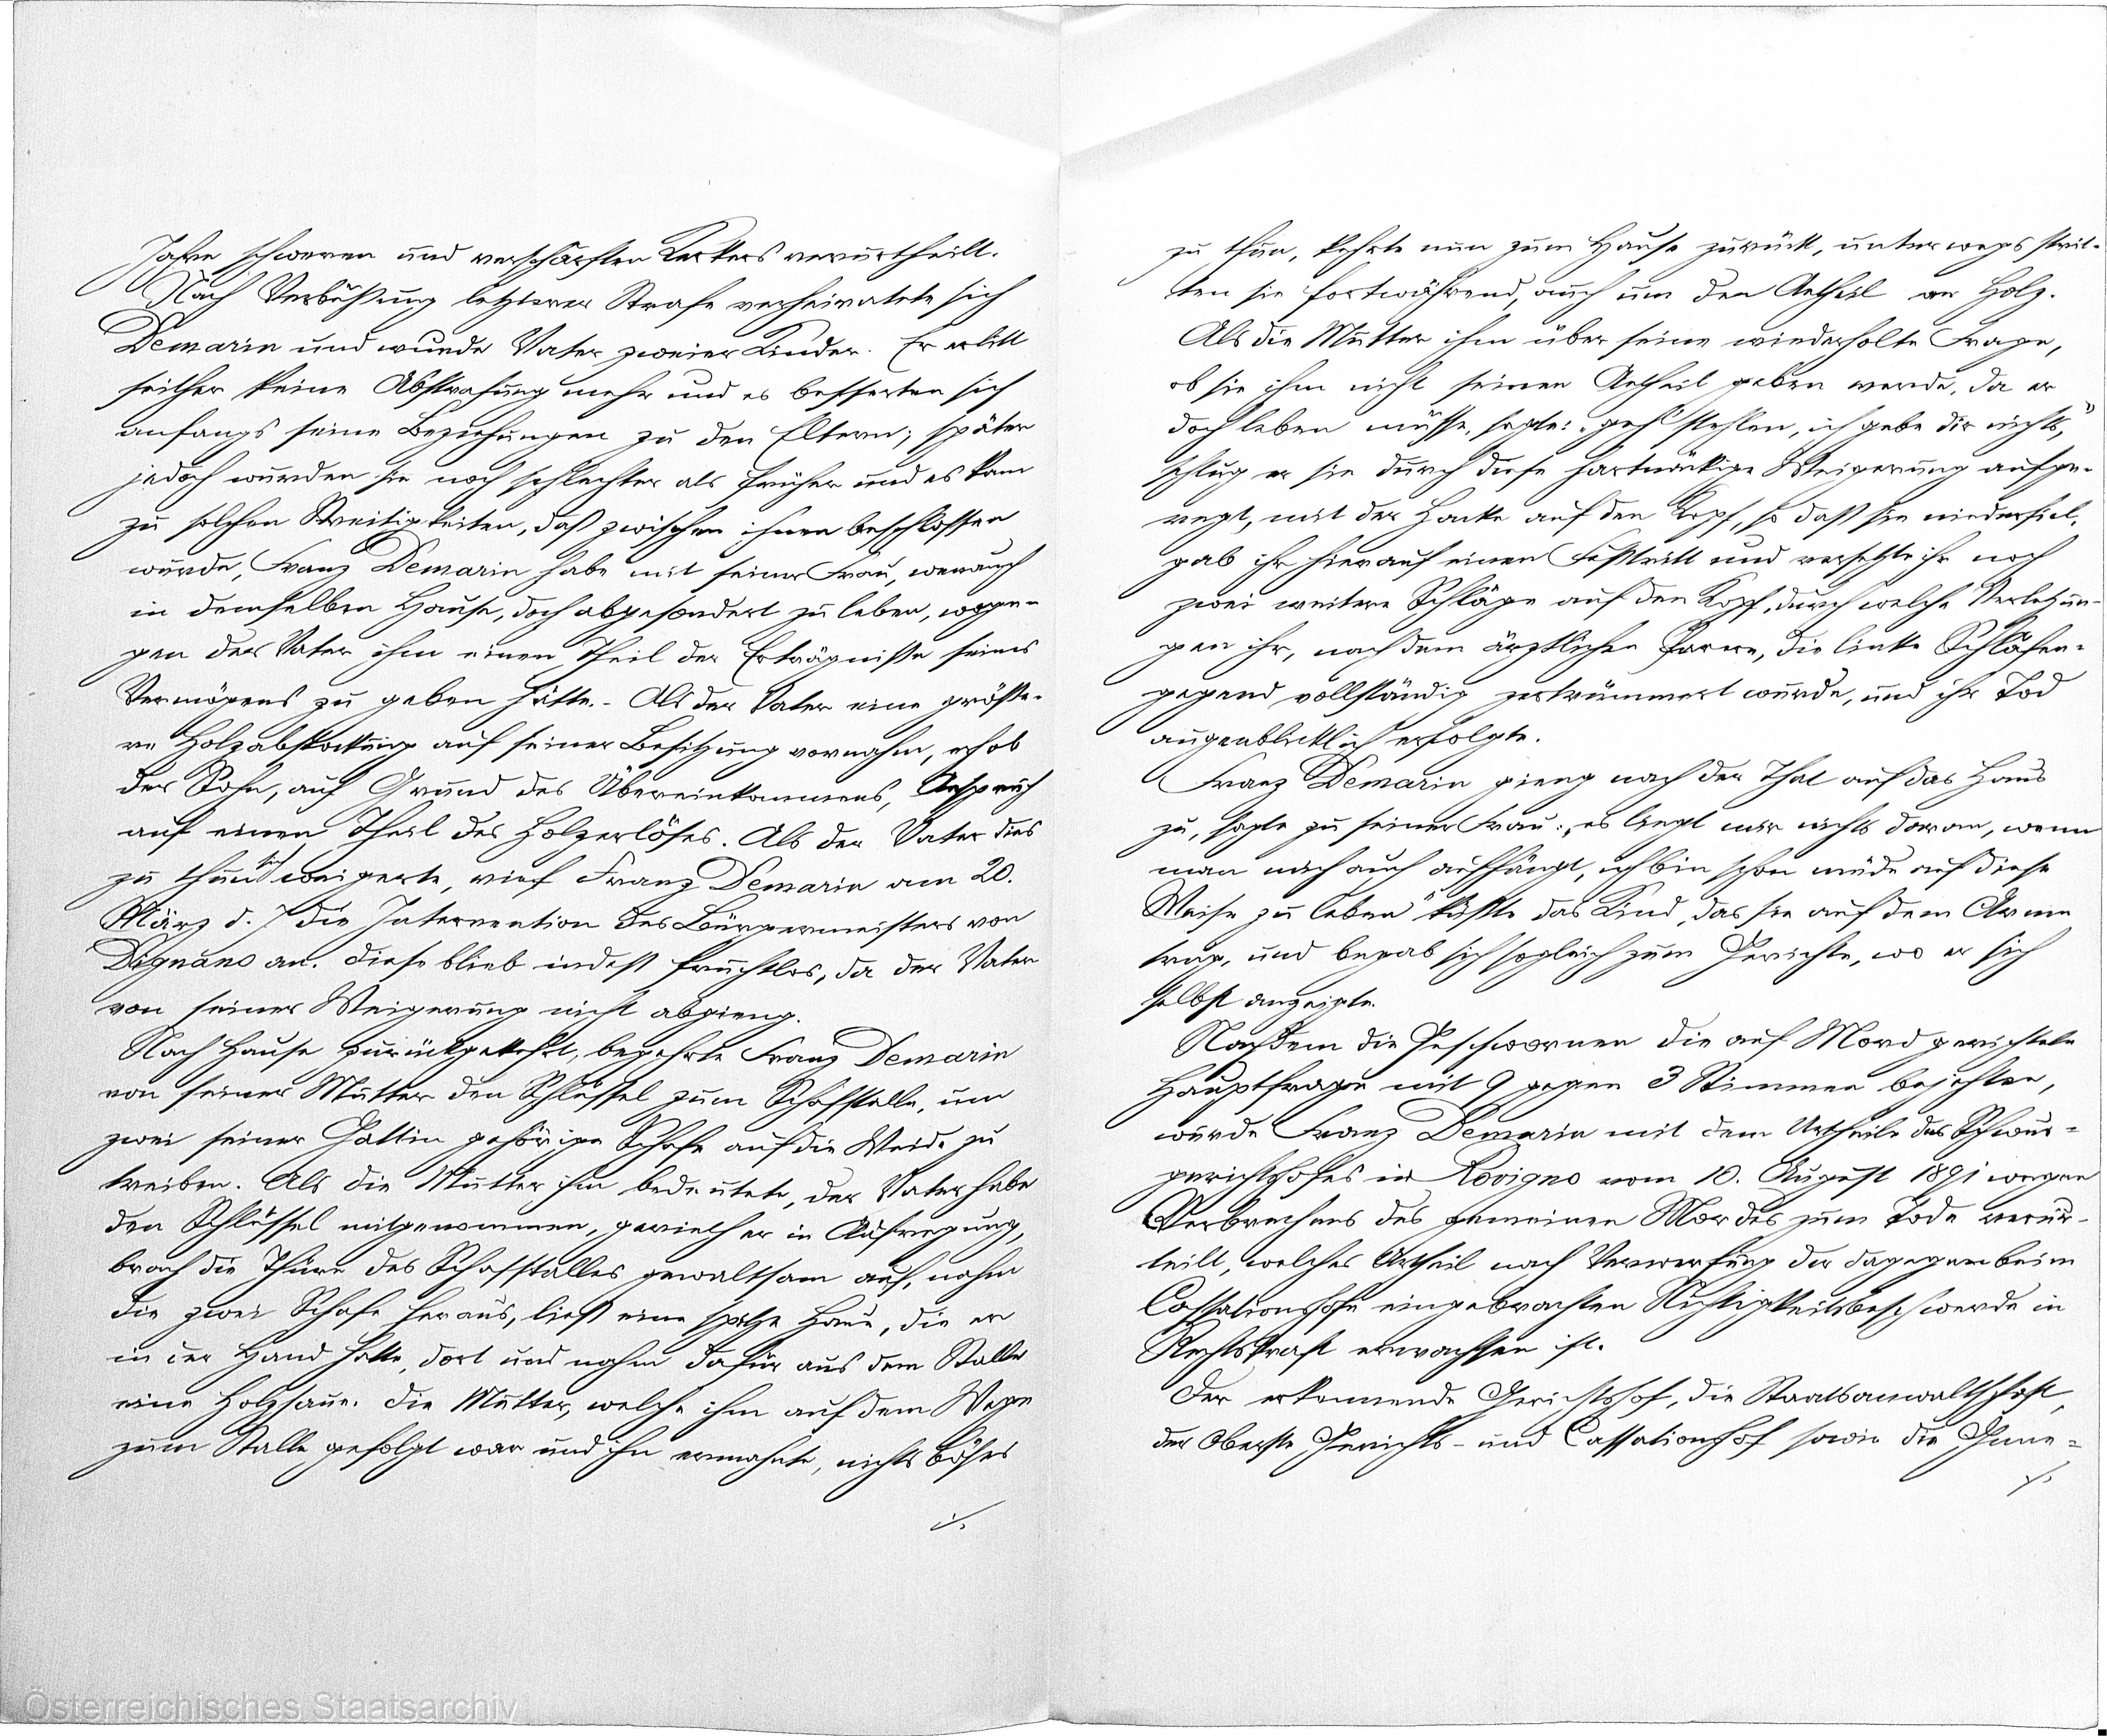Jahre schweren und verschärften Kerkers verurtheilt.
Nach Verbüßung letzterer Strafe verheiratete sich
Demarin und wurde Vater zweier Kinder. Er erlitt
seither keine Abstrafung mehr und es besserten sich
anfangs seine Beziehungen zu den Eltern; später
jedoch wurden sie nocht schlechter als früher und es kam
zu solchen Streitigkeiten, daß zwischen ihnen beschlossen
wurde, Franz Demarin habe mit seiner Frau, wenn auch
in emselben Hause, doch agbesondert zu leben woge¬
gen der Vater ihm einen Theil der Erträgnisse seines
Vermögens zu geben hätte. Als der Vater eine größe¬
re Holzabstockung auf seiner Besitzung vornahm, erhob
der Sohn, auf Grund des Übereinkommens, Anspruch
auf einen Theil des Holzerlöses. Als der Vater dies
sich
zu thun weigerte, rief Franz Demarin am 20.
März d. J. die Intervention des Bürgermeisters von
Dignano an. Diese blieb indeß fruchtlos, da der Vater
von seiner Weigerung nicht abgieng.
Nach Hause zurückgekehrt, begehrte Franz Demarin
von seiner Mutter den Schlüssel zum Schafstalle, um
zwei seiner Gattin gehörigen Schafe auf die Weide zu
treiben. Als die Mutter ihm bedeutete, der Vater habe
den Schlüssel mitgenommen, gerieth er in Ausregung,
brach die Thüre des Schafstalles gewaltsam auf, nahm
die zwei Schafe heraus, ließ eine spitze Haue, die er
in der Hand hatte, dort und nahm dafür aus dem Stalle
eine Holzhaue. Die Mutter, welche ihm auf dem Wege
zum Stalle gefolgt war und ihn ermahnte, nichts böses
zu thun, kehrte nun zum Hause zurück, unterwegs strit¬
ten sie fortwährend, auch um den Antheil am Holz.
Als die Mutter ihm über seine widerholte Frage,
ob sie ihm nicht seinen Antheil geben werde, da er
doch leben müsse, sagte: „Geh’ stehlen, ich gebe dir nichts,“
schlug er sie durch diese hartnäckige Weigerung aufge¬
regt, mit der Hacke auf den Kopf, so daß sie niederfiel,
gab ihr hierauf einen Fußtritt und versetzte ihr noch
zwei weitere Schläge auf den Kopf, durch welche Verletzun¬
gen ihr, noch dem ärztlichen Parere, die linke Schläfen¬
gegend vollständig zertrümmert wurde, und ihr Tod
augenblicklich erfolgte.
Franz Demarin gieng nach der That auf das Haus
zu, sagte zu seiner Frau: „es liegt mir nichts daran, wenn
man mich auch aufhängt, ich bin schon müde auf diese
Weise zu leben“ küßte das Kind, das sie auf dem Arme
trug, und begab sich sogleich zum Gerichte, wo er sich
selbst anzeigte.
Nachdem die Geschworene die auf Mord gerichtete
Hauptfrage mit 9 gegen 3 Stimmen bejahten,
wurde Franz Demarin mit dem Urtheile des Schwur¬
gerichtshofes in Rovigno vom 10. August 1891 wegen
Verbrechens des gemeinen Mordes zum Tode verur¬
teilt, welches Urtheil noch Verwerfung der dagegen beim
Cassationshofe eingebrachten Nichtigkeitsbeschwerde in
Rechtskraft erwachsen ist.
Der erkennende Gerichtshof, die Staatsanwaltschaft
der Oberste Gerichts- und Cassationshof sowie die Gene¬